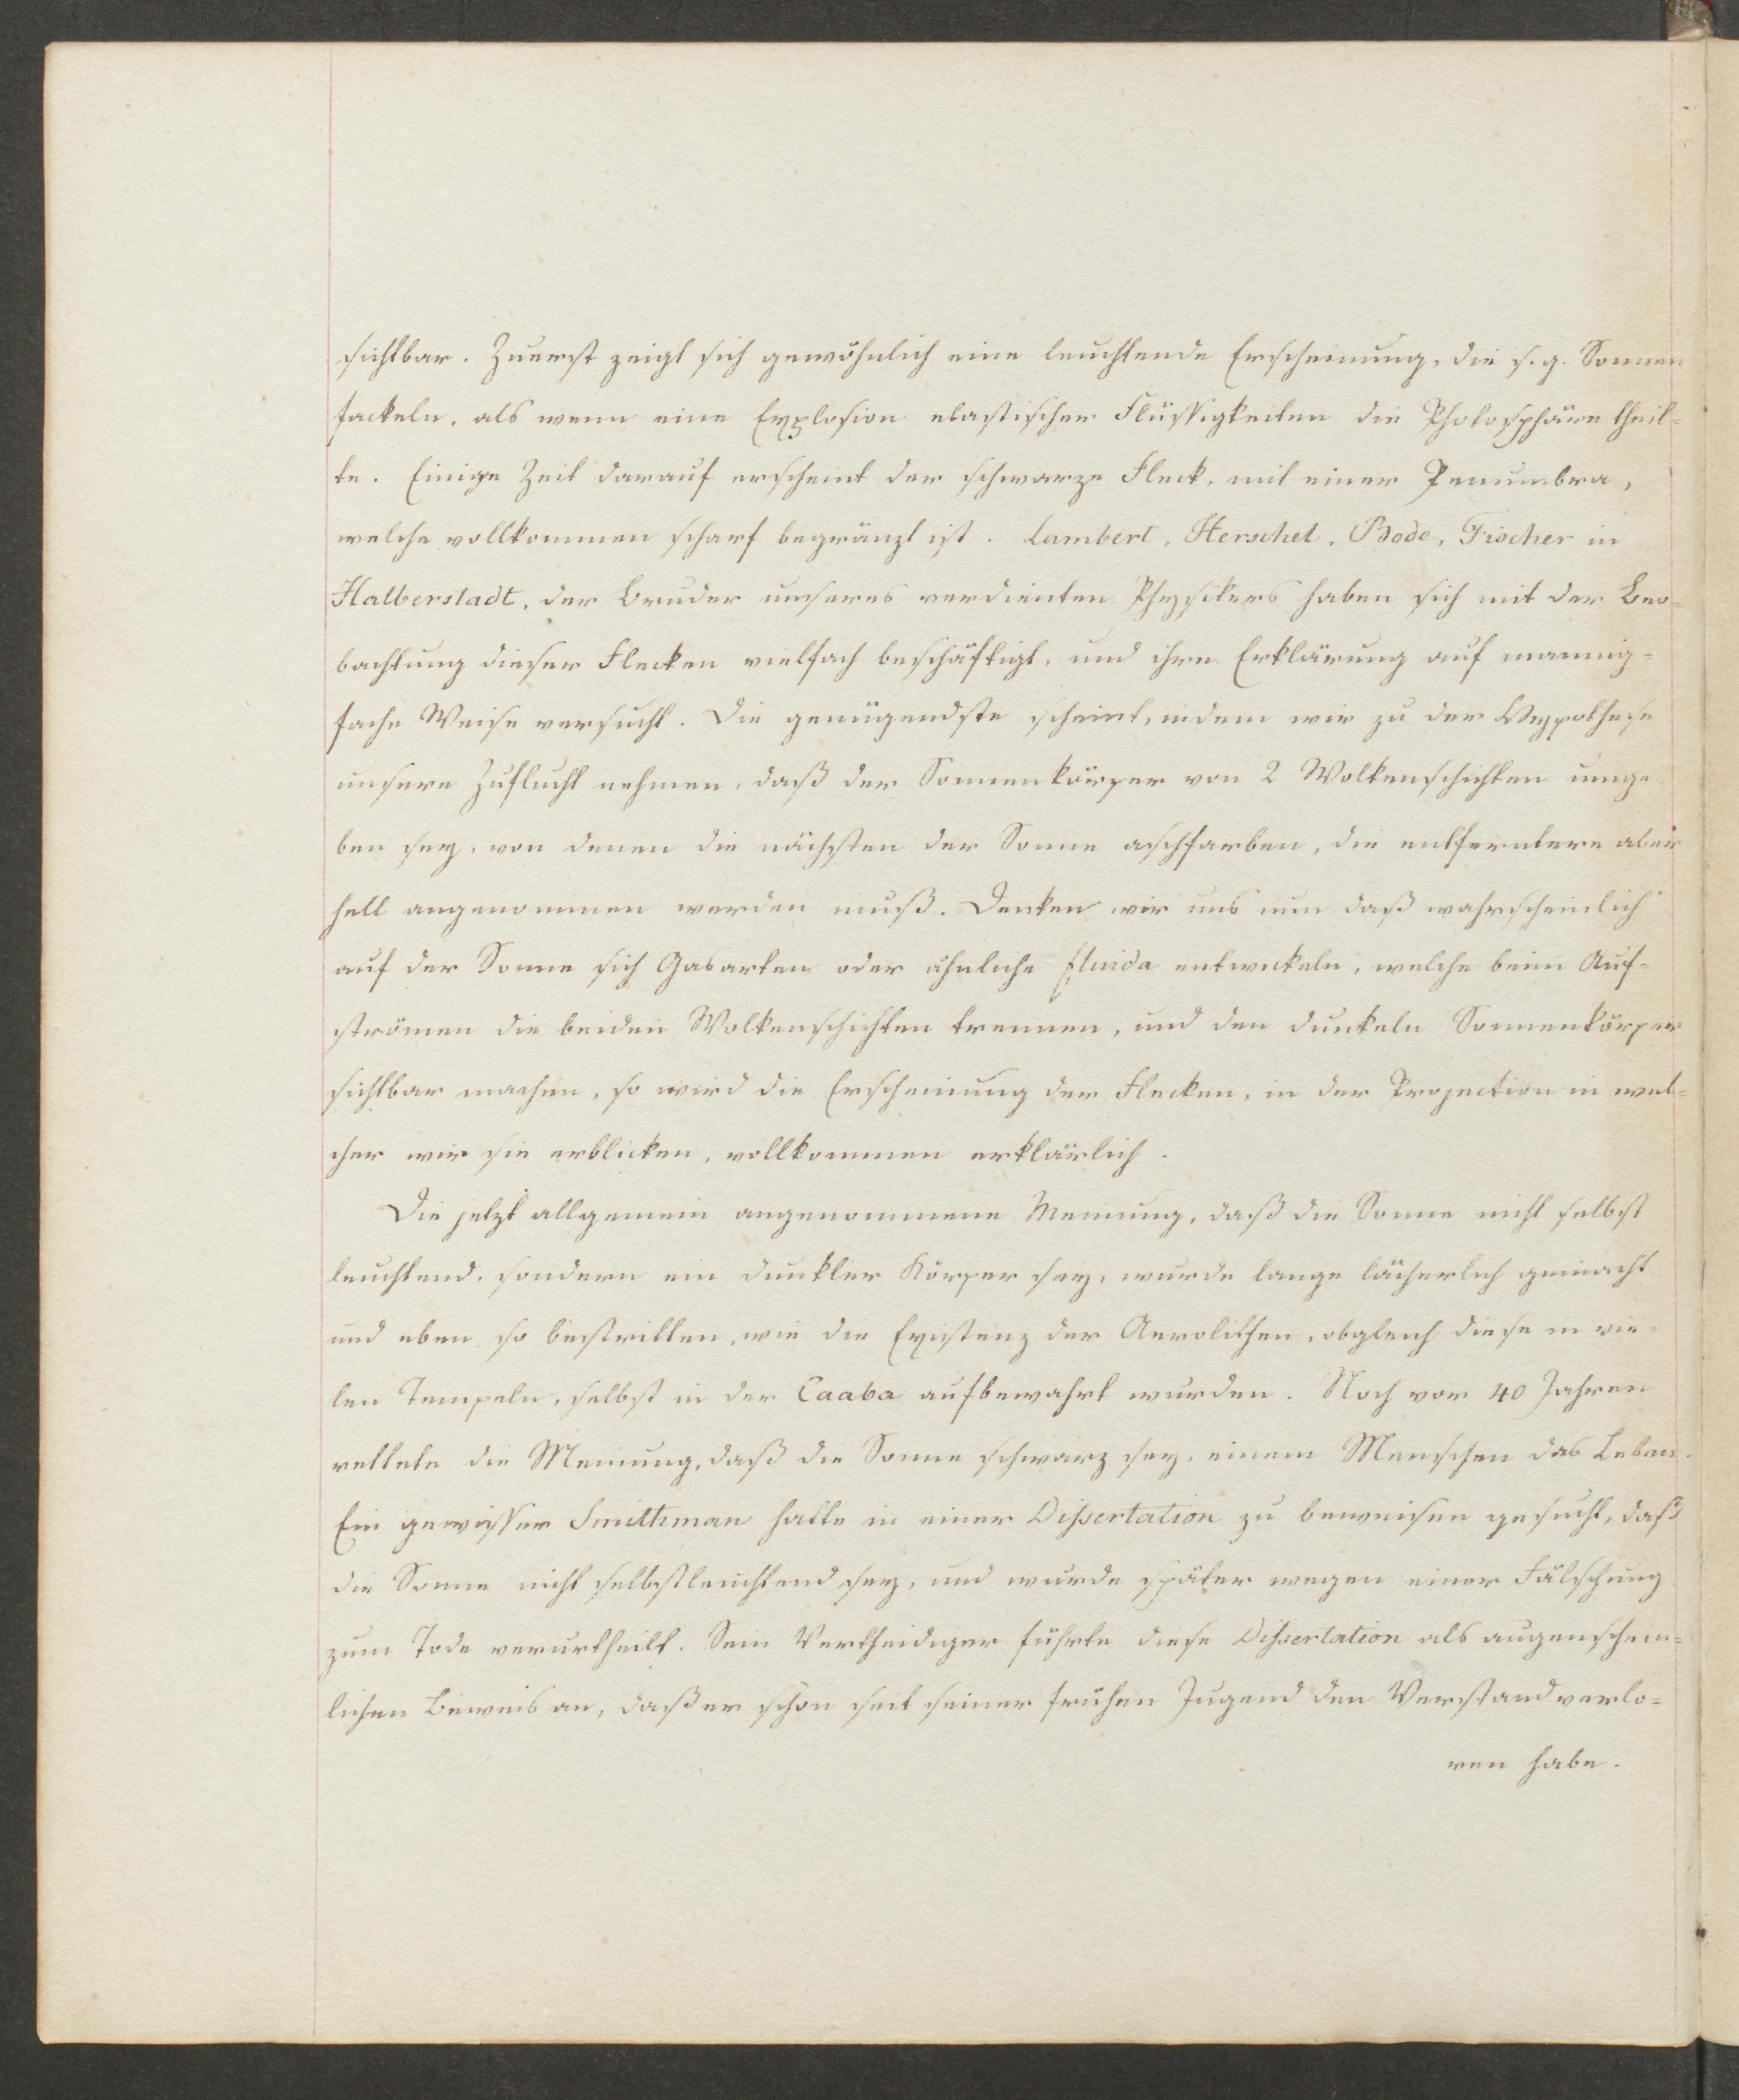sichtbar. Zuerst zeigt sich gewöhnlich eine leuchtende Erscheinung, die s. g. Sonnen
fackeln, als wenn eine Explosion elastischer Flüssigkeiten die Photosphäre theil-
te. Einige Zeit darauf erscheint der schwarze Fleck, mit einer Penumbra,
welche vollkommen scharf begränzt ist. Lambert, Herschel, Bode, Fischer in
Halberstadt, der Bruder unseres verdienten Physikers haben sich mit der Beo-
bachtung dieser Flecken vielfach beschäftigt, und ihre Erklärung auf mannig-
fache Weise versucht. Die genügendste scheint, indem wir zu der Hypothese
unsere Zuflucht nehmen, daß der Sonnenkörper von 2 Wolkenschichten umge-
ben sey, von denen die nächsten der Sonne aschfarben, die entferntere aber
hell angenommen werden muß. Denken wir uns nun, daß wahrscheinlich
auf der Sonne sich Gasarten oder ähnliche fluida entwickeln, welche beim Auf-
strömen die beiden Wolkenschichten trennen, und den dunkeln Sonnenkörper
sichtbar machen, so wird die Erscheinung der Flecken, in der Projection in wel-
cher wir sie erblicken, vollkommen erklärlich.
Die jetzt allgemein angenommene Meinung, daß die Sonne nicht selbst
leuchtend, sondern ein dunkler Körper sey, wurde lange lächerlich gemacht
und eben so bestritten, wie die Existenz der Aerolithen, obgleich diese in vie-
len Tempeln, selbst in der Caaba aufbewahrt wurden. Noch vor 40 Jahren
rettete die Meinung, daß die Sonne schwarz sey, einem Menschen das Leben.
Ein gewisser Smithman hatte in einer Dissertation zu beweisen gesucht, daß
die Sonne nicht selbstleuchtend sey, und wurde später wegen einer Fälschung
zum Tode verurtheilt. Sein Verteidiger führte diese Dissertation als augenschein-
lichen Beweis an, daß er schon seit seiner frühen Jugend den Verstand verlo-
ren habe.